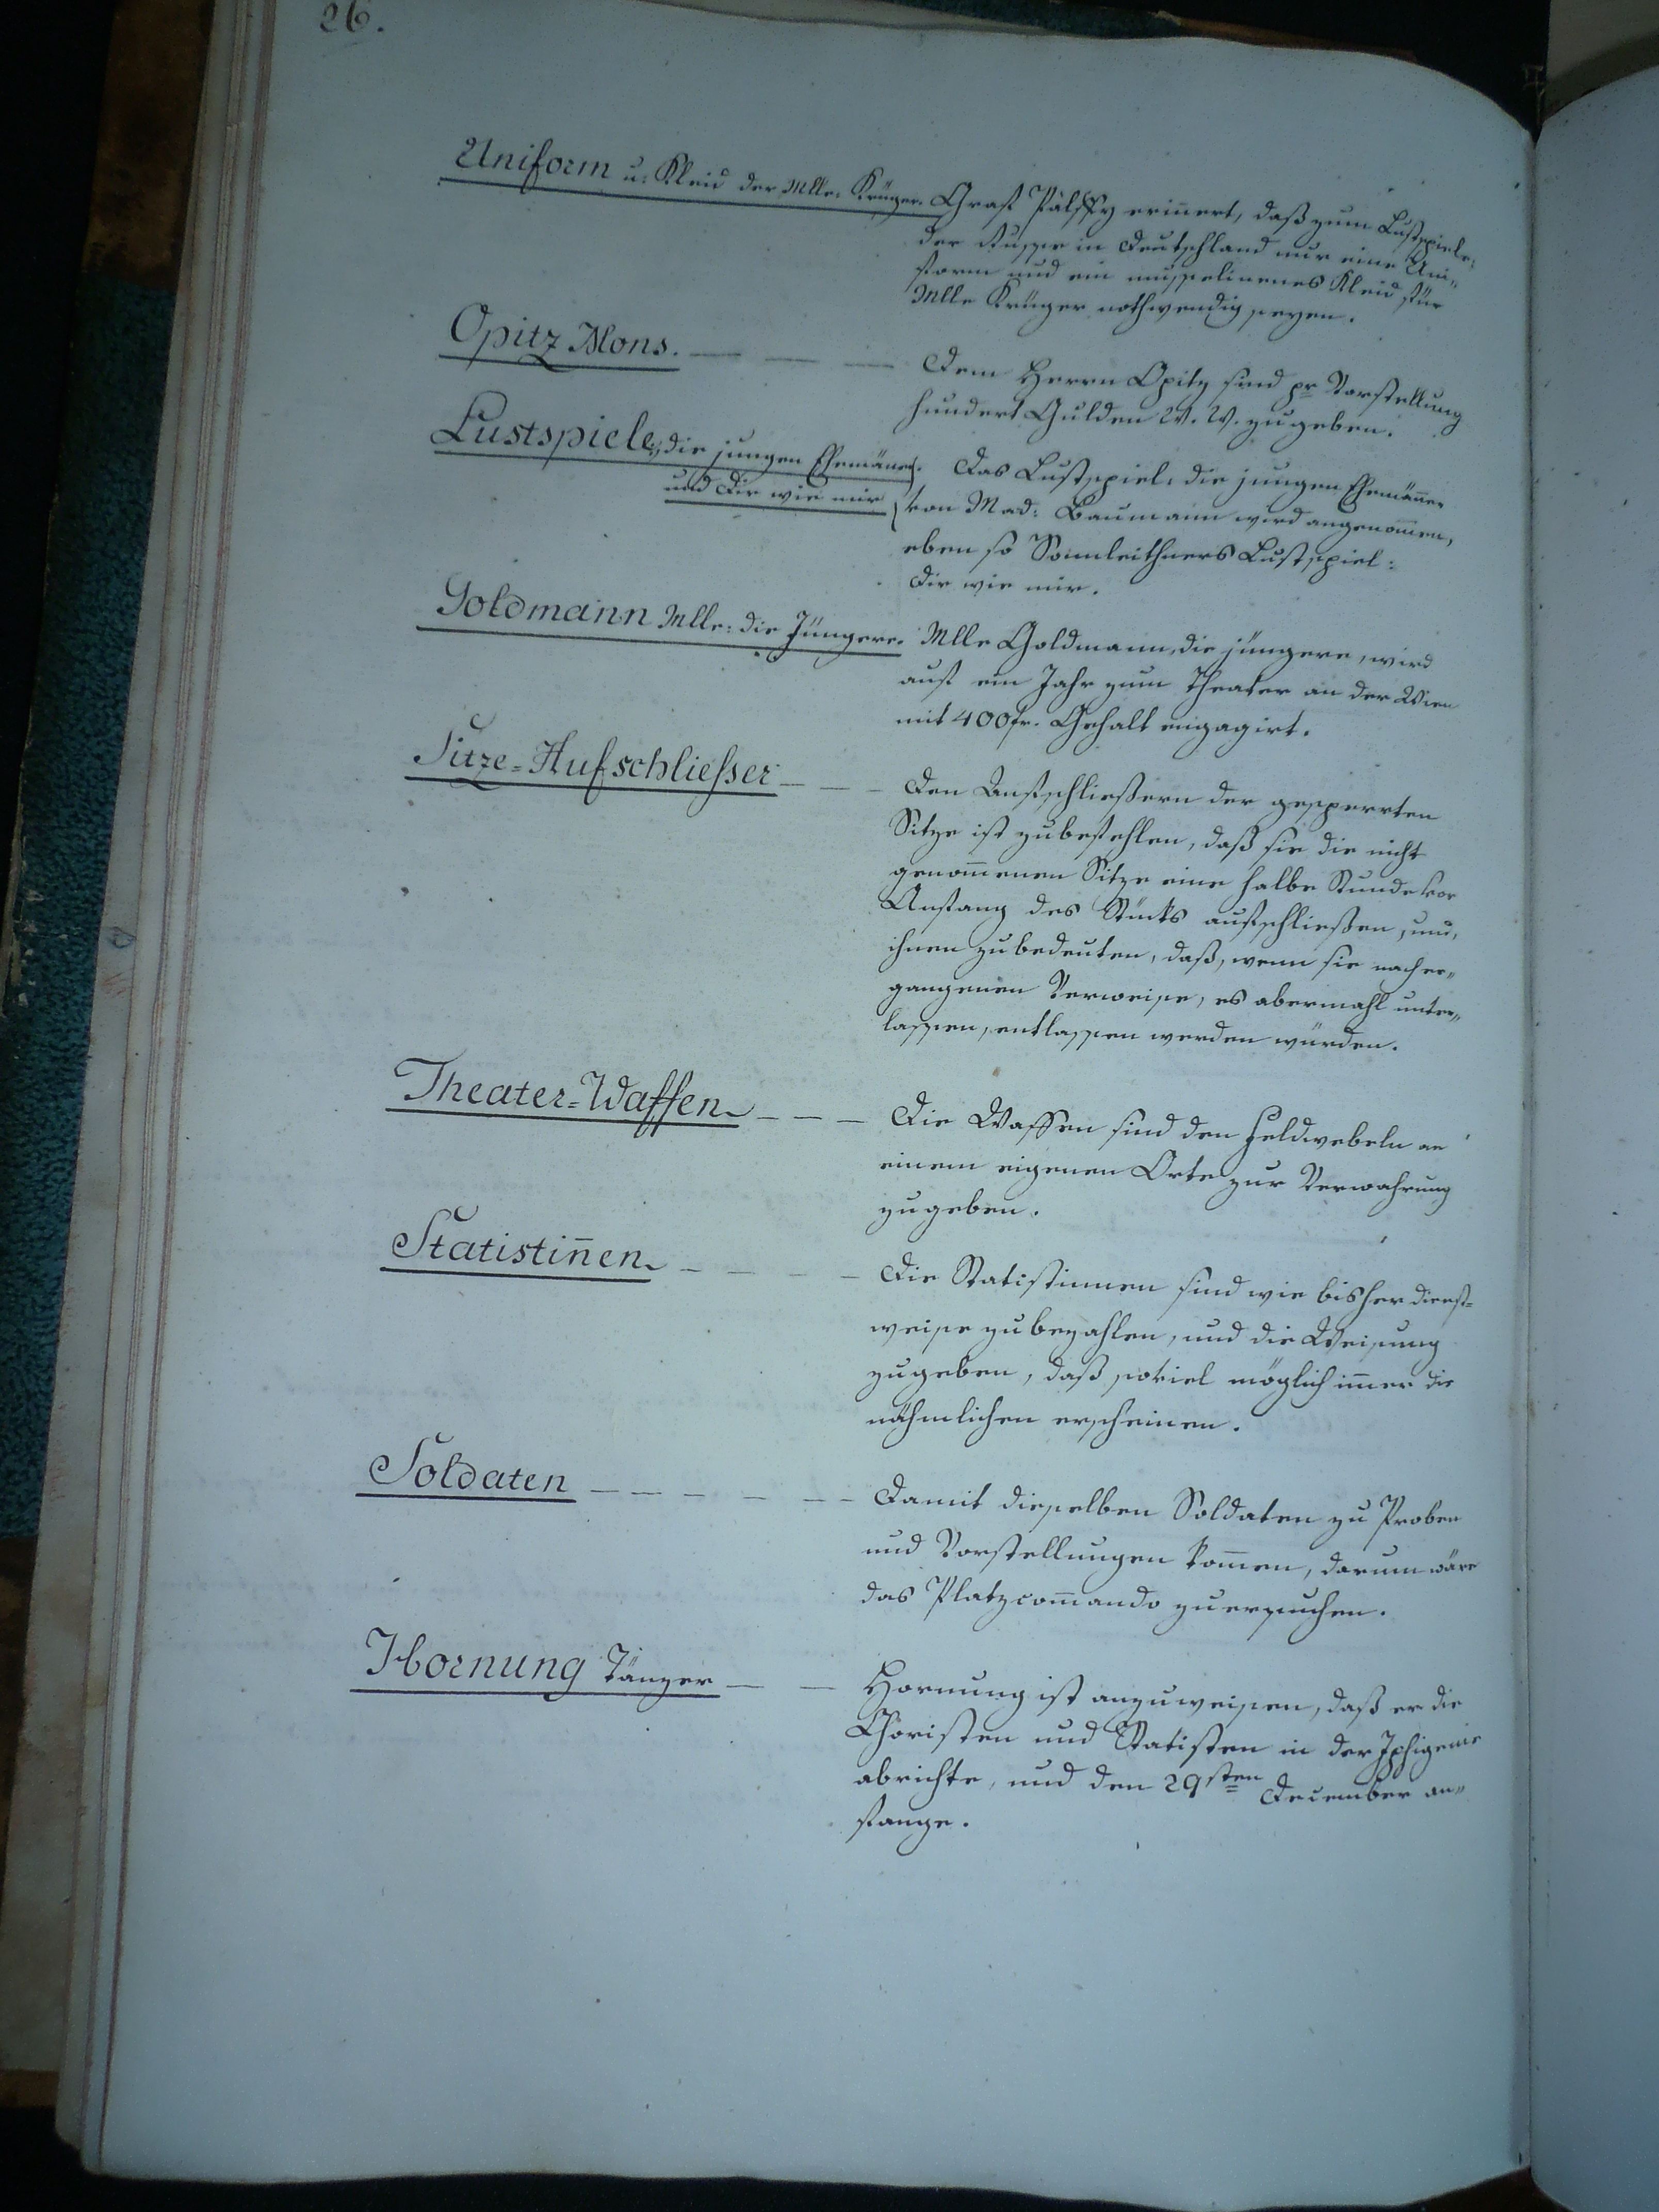26.
Uniform u: Kleid der Mlle: Krüger. Graf Pàlffy erin̅ert, daß zum Lustspiele:
der Russe in Deutschland nur eine Uni¬
form und ein musselinenes Kleid für
Mlle Krüger nothwendig seyen.
Opitz Mons. _ _ _ Dem Herrn Opitz sind pr Vorstellung
hundert Gulden W.W. zugeben.
Lustspiele:, die jungen Ehemäner|.
und Dir wie mir |
Das Lustspiel: die jungen Ehemäner
von Mad: Baumann wird angenomen,
eben so Sonnleithners Lustspiel:
Dir wie mir.
Goldmann Mlle: die Jüngere. Mlle Goldmann, die jüngere, wird
auf ein Jahr zum Theater an der Wien
mit 400fr. Gehalt engagirt.
Sitze‗Aufschliesser _ _ _ Den Aufschließern der gesperrten
Sitze ist zubestellen, daß sie die nicht
genom̅enen Sitze eine halbe Stunde vor
Anfang des Stücks aufschließen, und,
ihnen zubedeuten, daß, wenn sie nacher¬
gangenen Verweise, es abermahl unter¬
lassen, entlassen werden würden.
Theater‗Waffen _ _ _ Die Waffen sind den Feldwebeln an
einem eigenen Orte zur Verwahrung
zugeben.
Statistin̅en _ _ _ _ Die Statistinnen sind wie bisher dienst¬
weise zubezahlen, und die Weisung
zugeben, daß soviel möglich im̅er die
nähmlichen erscheinen.
Soldaten _ _ _ _ _ _ Damit dieselben Soldaten zu Proben
und Vorstellungen kom̅en, darum wäre
das Platzcom̅ando zuersuchen.
Hornung Tänzer _ _ Hornung ist anzuweisen, daß er die
Choristen und Statisten in der Iphigenie
abrichte, und den 29ste͇n December an¬
fange.